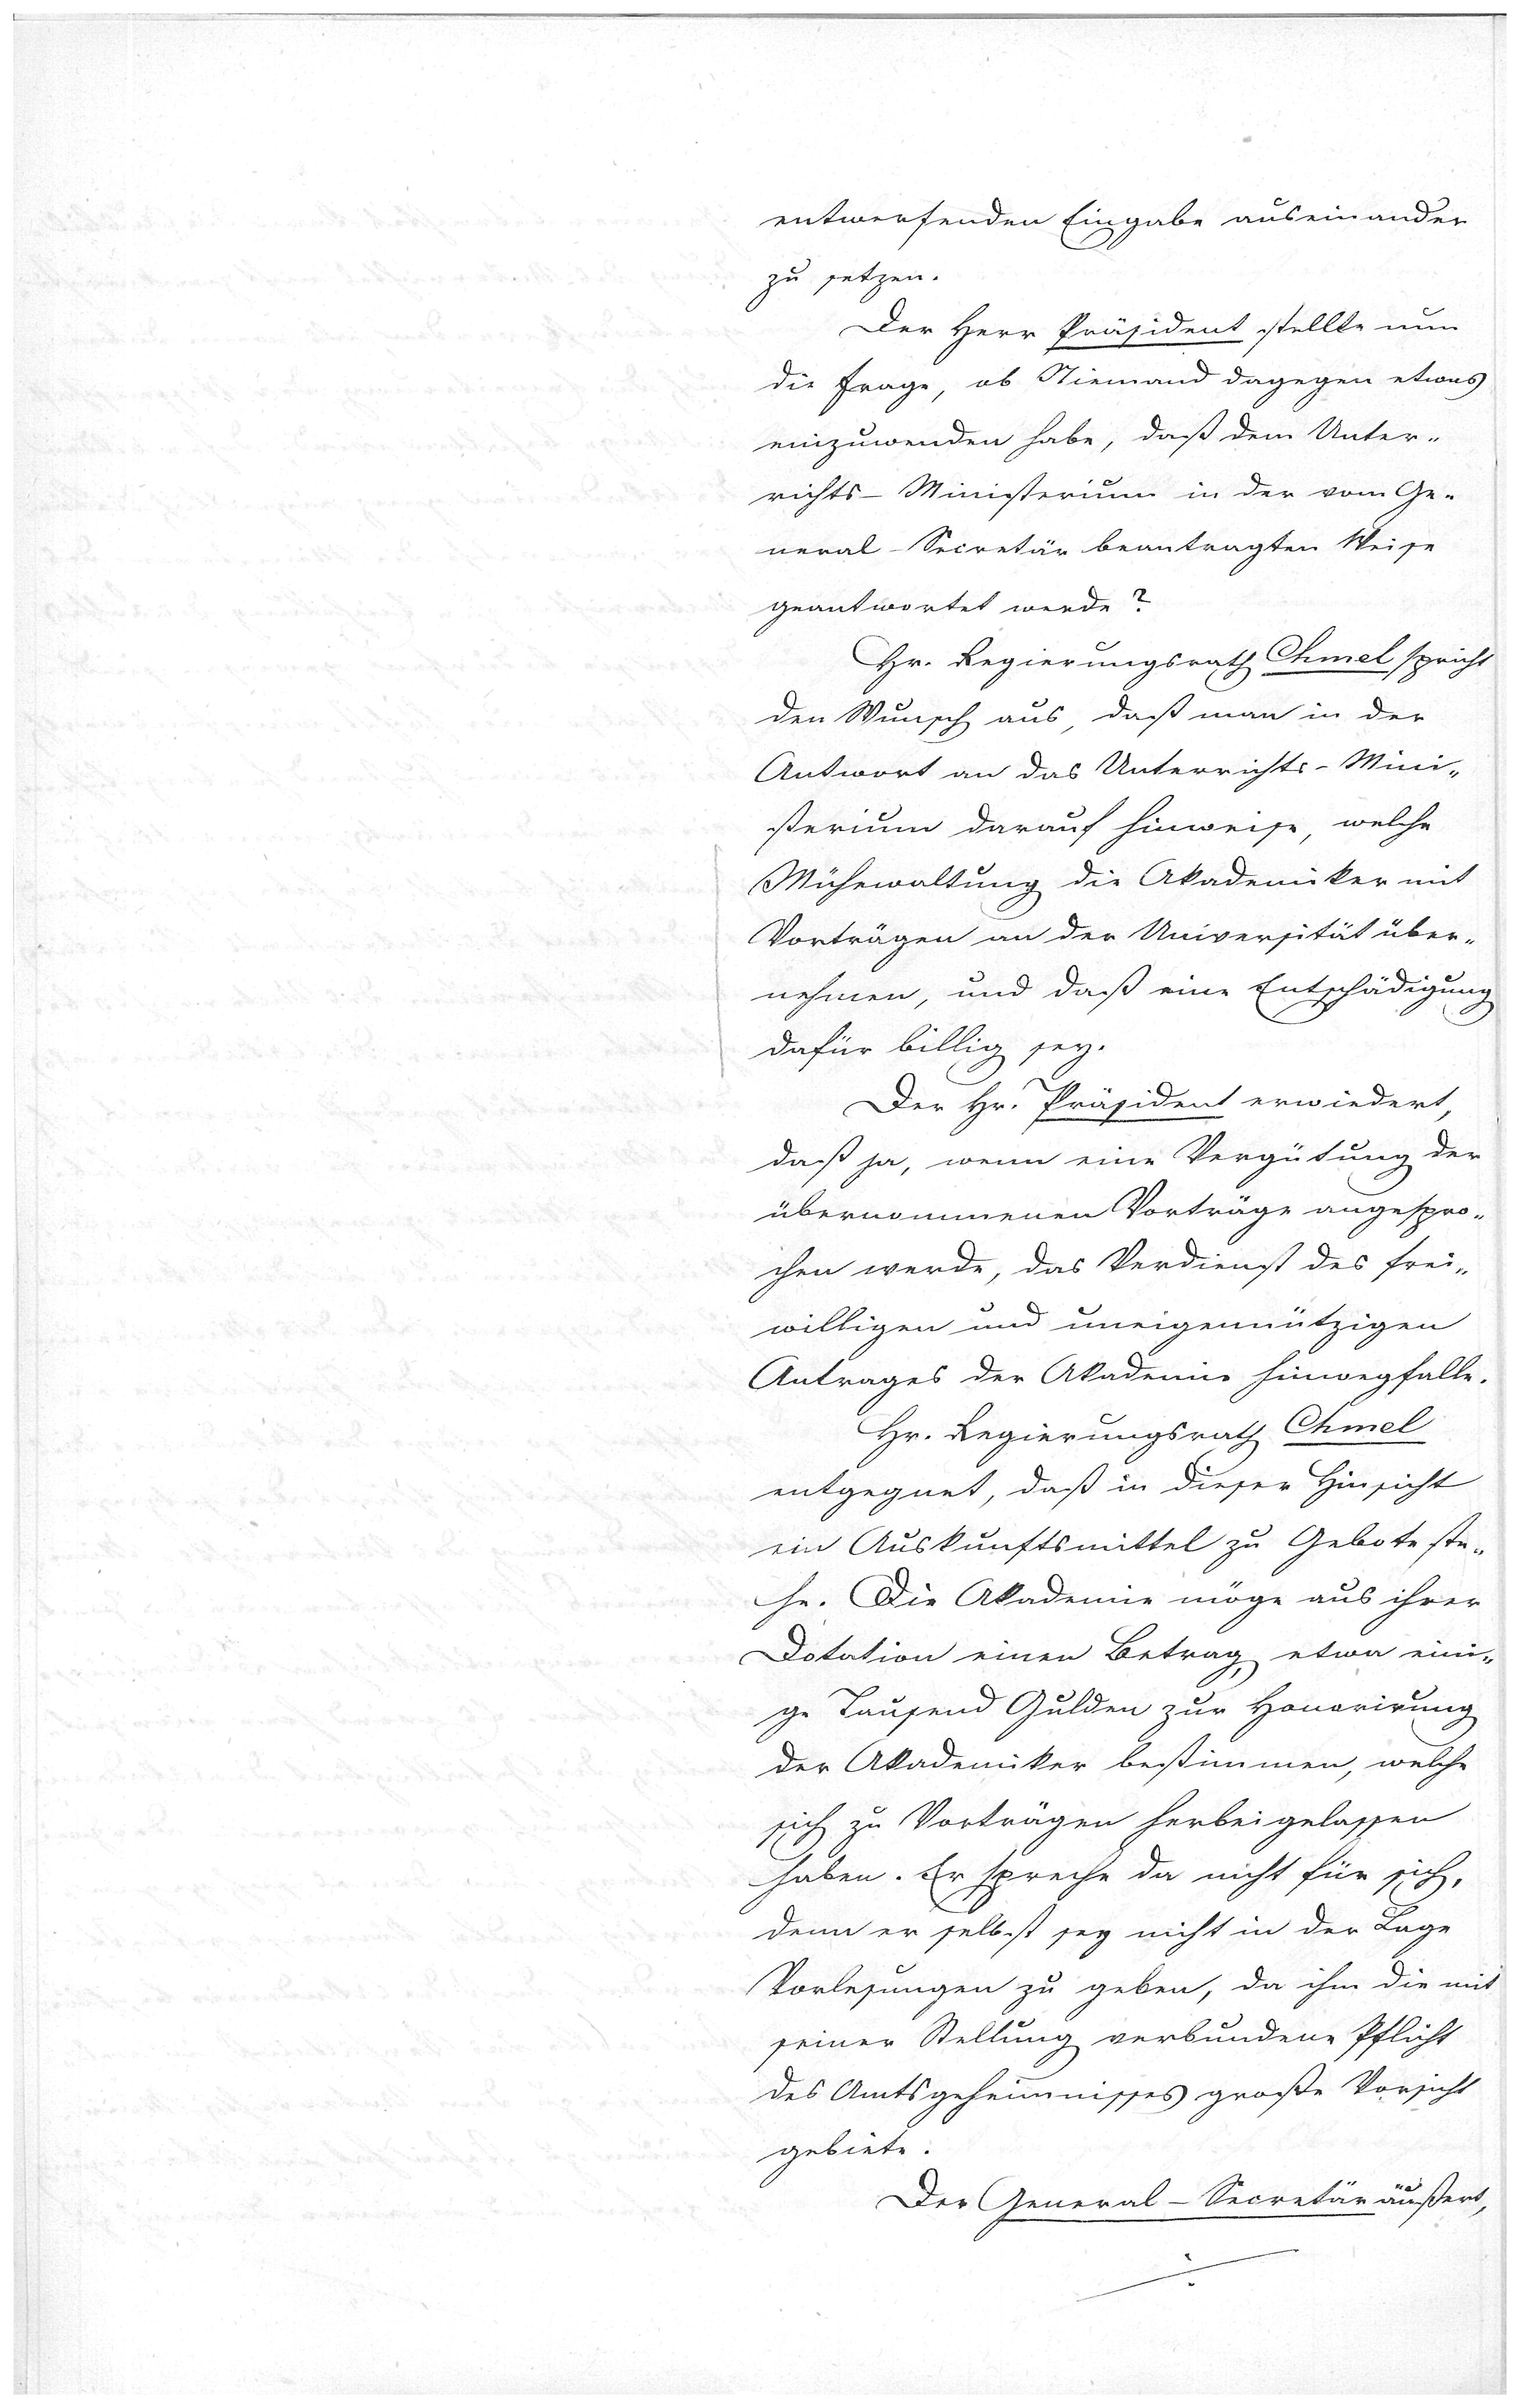entwerfenden Eingabe auseinander
zu setzen.
Der Herr Präsident stellte nun
die Frage, ob Niemand dagegen etwas
einzuwenden habe, daß dem Unter-
richts-Ministerium in der vom Ge-
neral-Secretär beantragten Weise
beantwortet werde?
Hr. Regierungsrath Chmel spricht
den Wunsch aus, daß man in der
Antwort an das Unterrichts-Mini-
sterium darauf hinweis, welche
Mühewaltung die Akademiker mit
Vorträge an der Universität über-
nehmen, und daß eine Entschädigung
dafür billig sey.
Der Hr. Präsident erwidert,
daß ja, wenn eine Vergütung der
übernommenen Vorträge angespro-
chen werde, das Verdienst des frei-
willigen und uneigennützigen
Antrages der Akademie hinwegfalle.
Hr. Regierungsrath Chmel
entgegnet, daß in dieser Hinsicht
ein Auskunftsmittel zu Gebote ste-
he. Die Akademie möge aus ihrer
Dotation einen Betrag etwa eini-
ge Tausend Gulden zur Honorirung
der Akademiker bestimmen, welche
sich zu Vorträgen herbeigelassen
haben. Er spreche da nicht für sich,
denn er selbst sey nicht in der Lage
Vorlesungen zu geben, da ihm die mit
seiner Stellung verbundene Pflicht
des Amtsgeheimisses große Vorsicht
gebiete.
Der General-Secretär äußert,